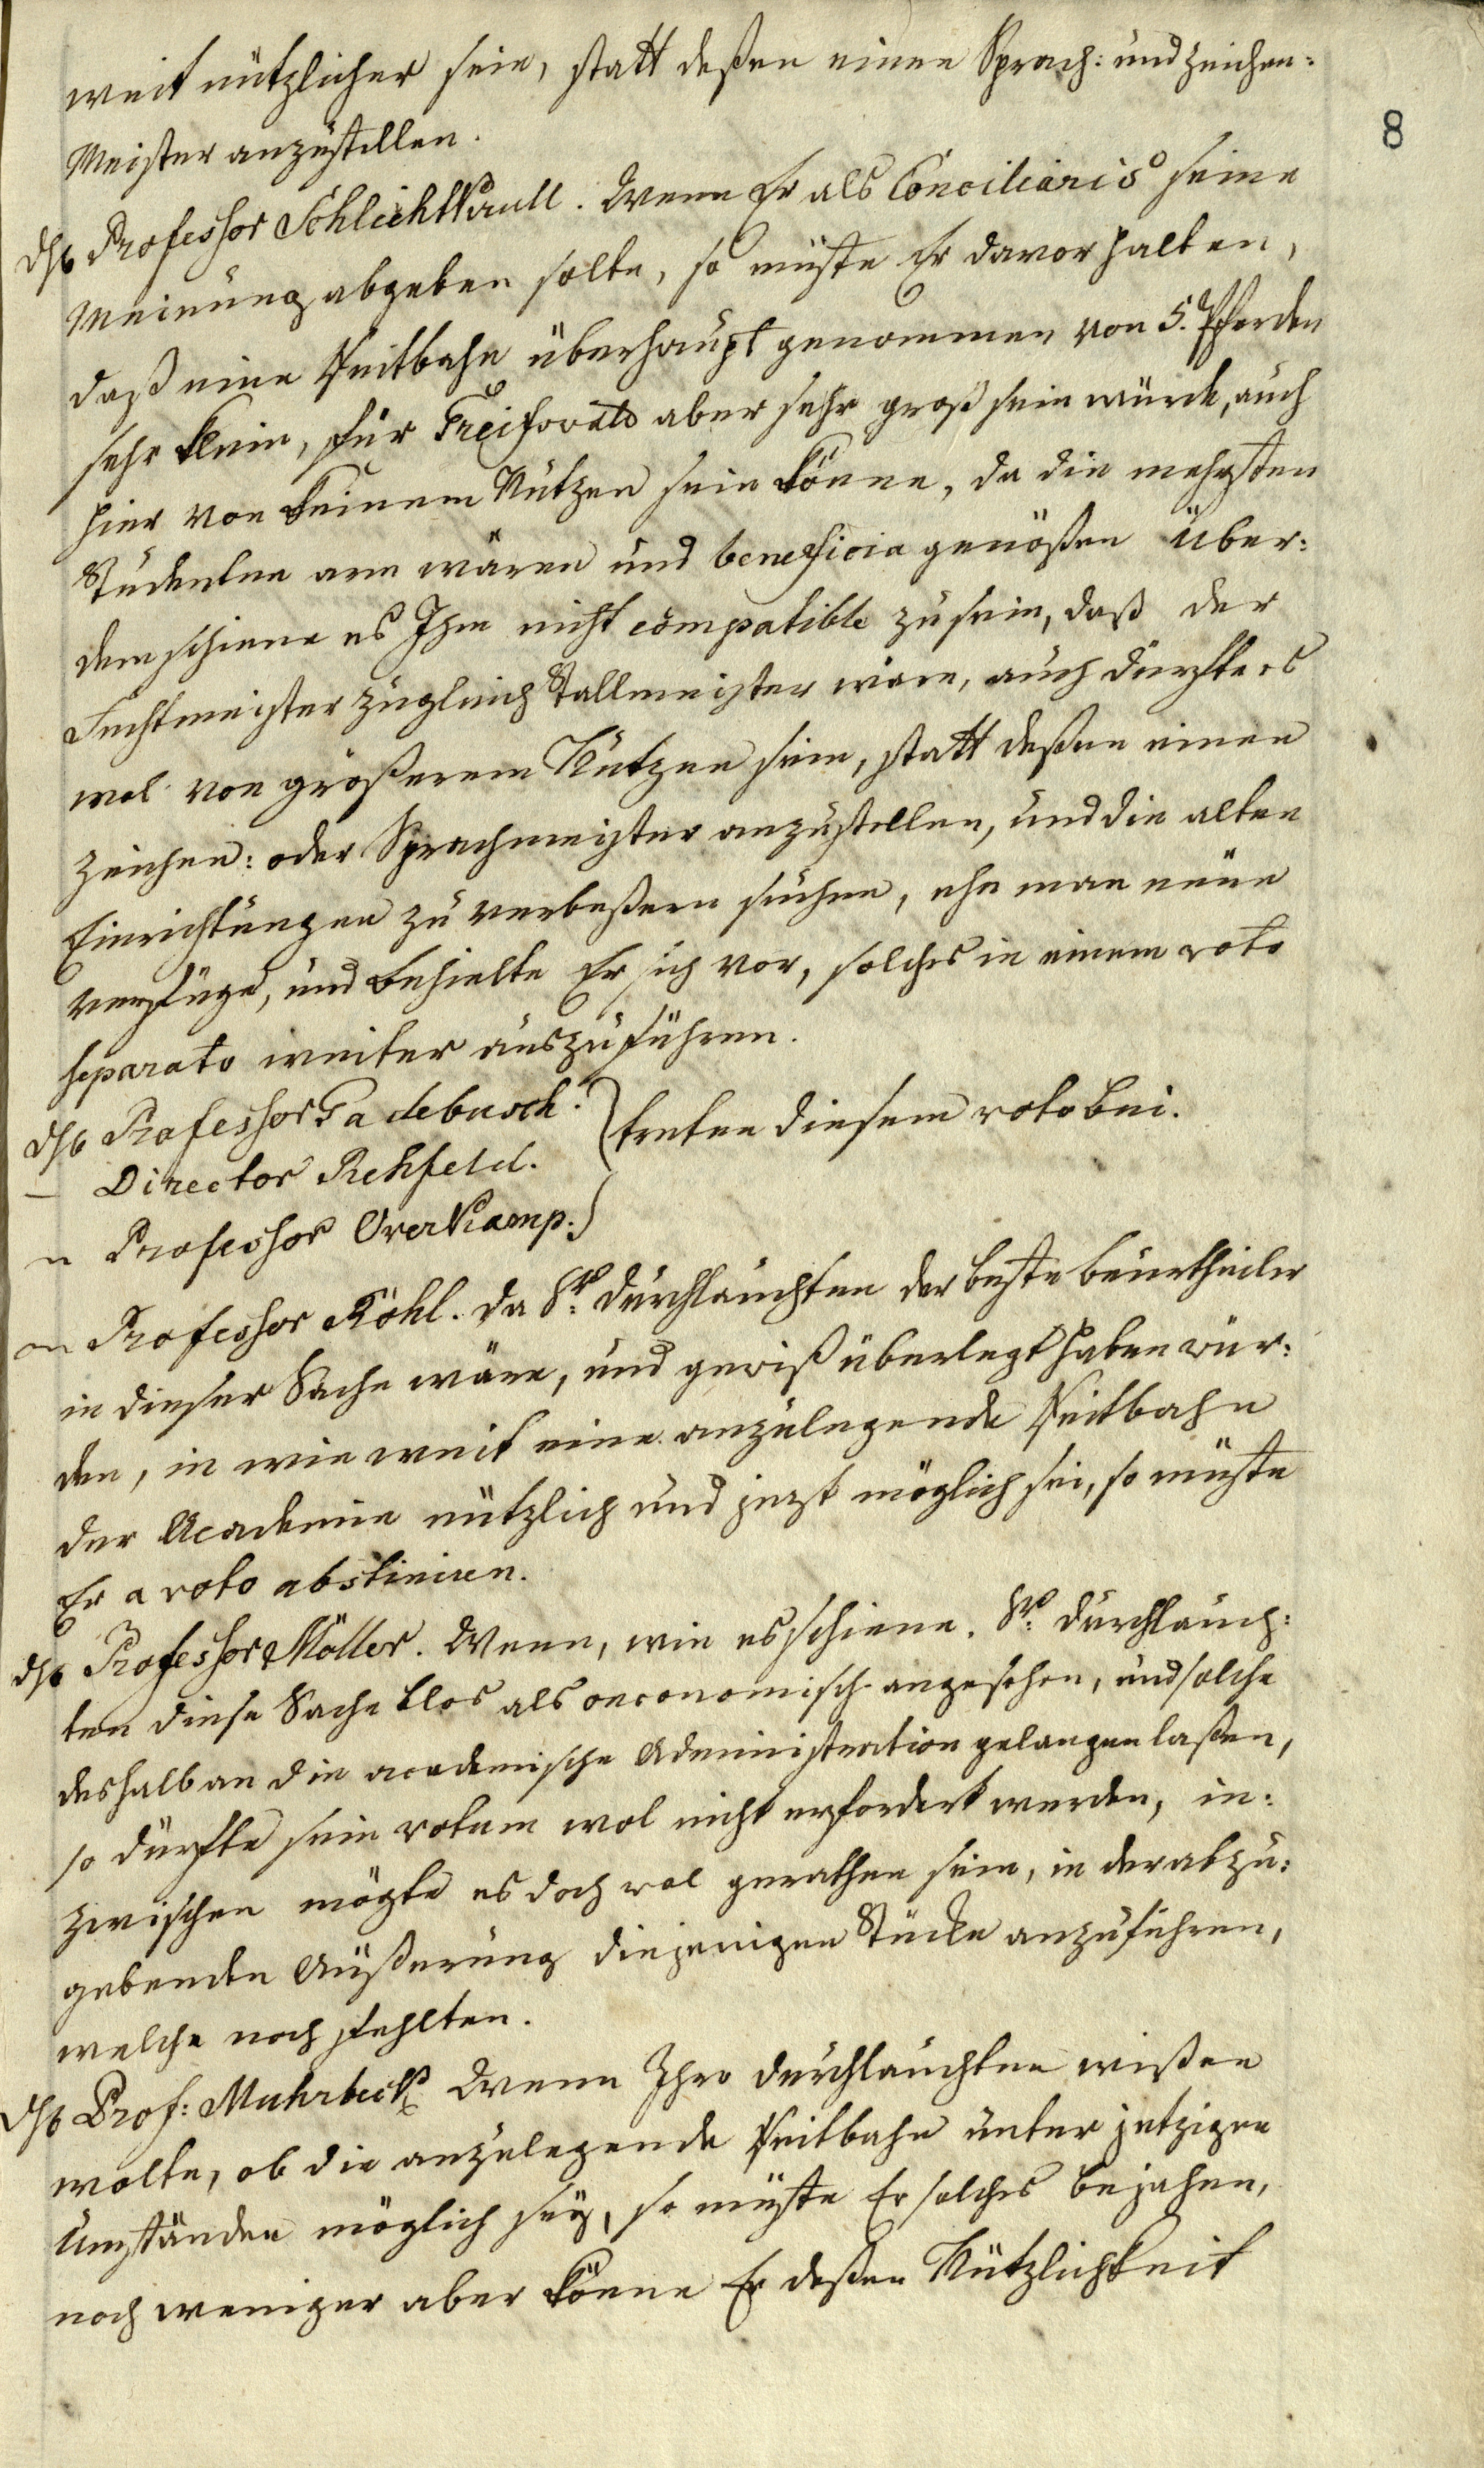weit nützlicher sein, statt deßen einen Sprach- und Zeichen¬
Meister anzustellen.
dh Professor Schlichtkrull. Wenn Er als Conciliaris seine
Meinung abgeben solte, so müßte Er davor halten,
daß eine Reitbahn überhaupt genommen von 5. Pferden
sehr klein, für Greifswald aber sehr groß sein würde, auch
hier von keinem Nutzen sein könne, da die mehrsten
Studenten arm wären und beneficia genößen. Über¬
dem schiene es Ihm nicht compatible zu sein, daß der
Fechtmeister zugleich Stallmeister wäre, auch dürfte es
wol von größerem Nutzen sein, statt deßen einen
Zeichen- oder Sprachmeister anzustellen, und die alten
Einrichtungen zu verbeßern suchen, ehe man neue
verfüge, und behielte Er sich vor, solches in einem voto
separato weiter auszuführen.
dh Professor Gadebusch. treten diesem voto bei
Director Rehfeld.
Professor Overkamp.
Professor Röhl. Da Sr. Durchlauchten der beste Beurtheiler
in dieser Sache wäre, und gewiß überlegt haben wür¬
den, in wie weit eine anzulegende Reitbahn
der Academie nützlich und jezt möglich sei, so müste
Er a voto abstiniren.
dh Professor Möller. Wenn, wie es schiene, Sr. Durchlauch¬
ten diese Sache blos als oeconomisch angesehen, und solche
deshalb an die academische Administration gelangen laßen,
so dürfte sein votum wol nicht erfordert werden, in¬
zwischen mögte es doch wol gerathen sein, in der abzu¬
gebenden Äußerung diejenigen Stücke anzuführen,
welche noch fehlten.
dh Prof. Muhrbeck Wenn Ihre Durchlauchten wißen
wolte, ob die anzulegende Reitbahn unter jetzigen
Umständen möglich seÿ, so müste Er solches bejahen,
noch weniger aber könne Er deßen Nützlichkeit